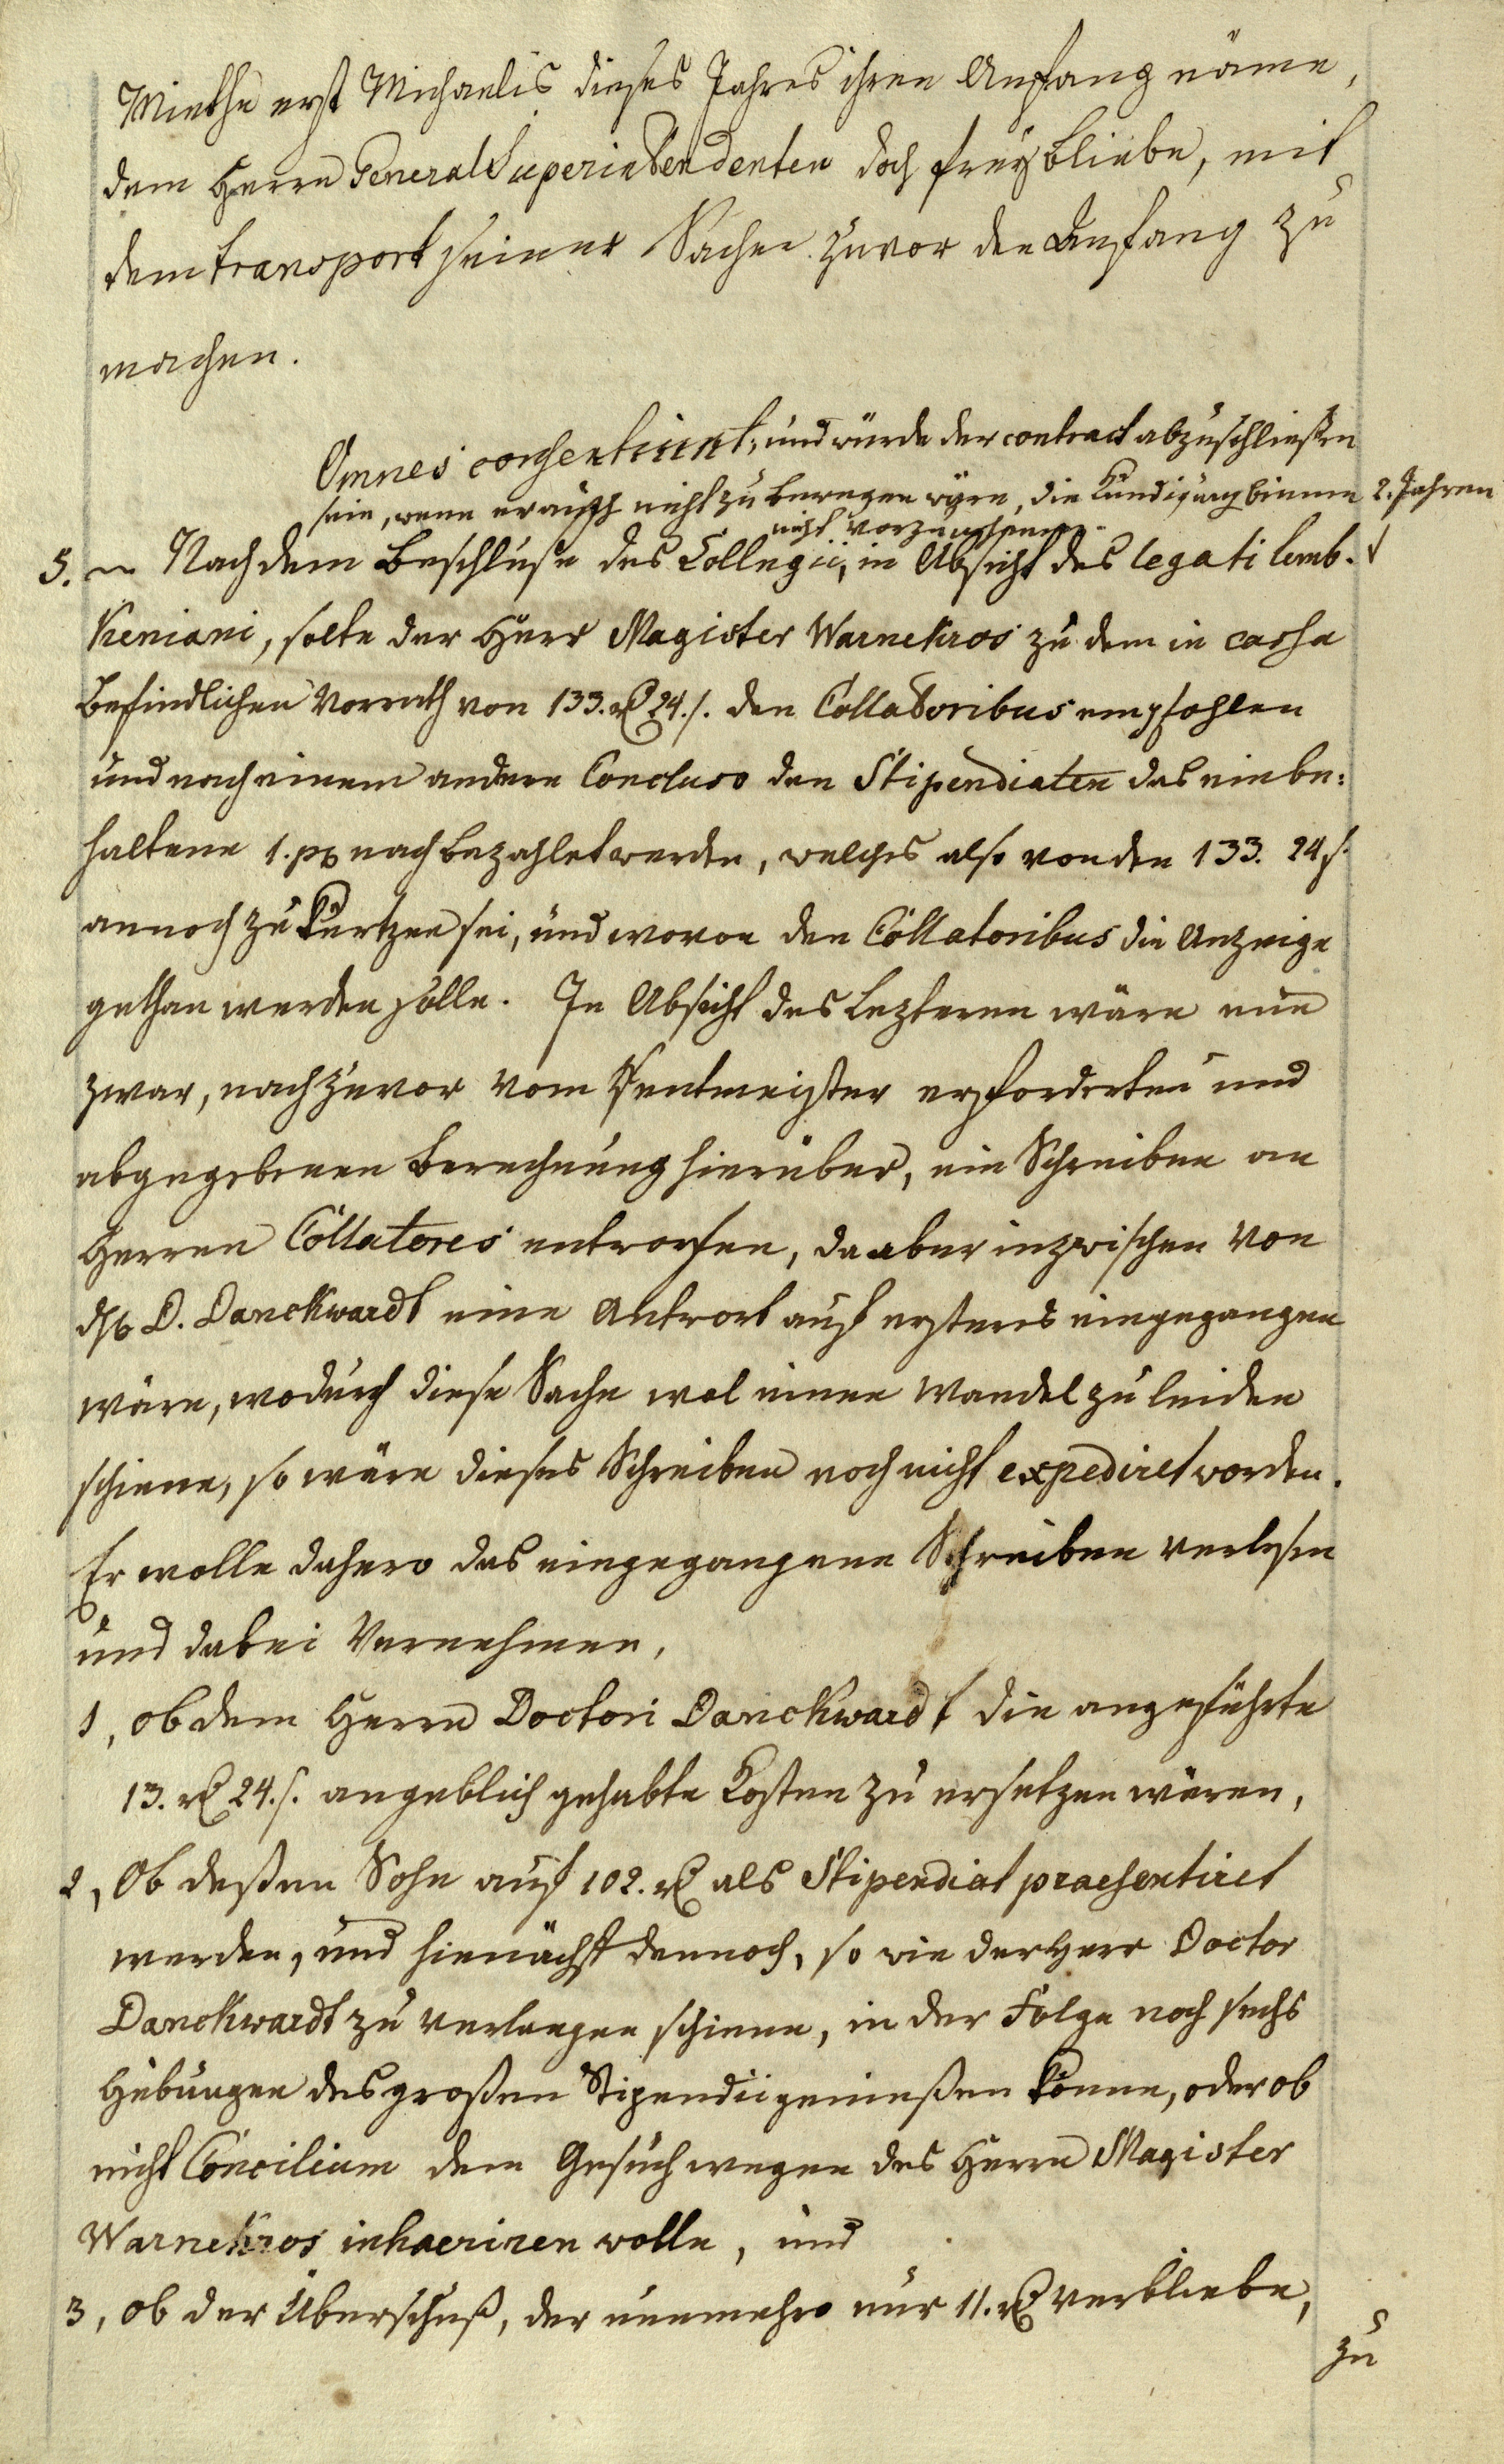Miethe erst Michaelis dieses Jahres ihren Anfang näme,
dem Herrn GeneralSuperintendenten doch freÿ bliebe, mit
dem Transport seiner Sachen zuvor den Anfang zu
machen.
Omnes consentinet und würde der contract abzuschließen
sein, wenn er auch nicht zu bewegen wäre, die Kündigung binnen 2. Jahren nicht vorzunehmen.
5. Nach dem Beschluße des Collegii in Absicht des legati Lemb¬
keniani, solte der Herr Magister Warnekros zu dem in cassa
befindlichen Vorrath von 133r. 24. s. den Collatoribus empfohlen
und nach einem andern Concluso den Stipendiaten das einbe¬
haltene 1p. nach bezahlet werden, welches also von den 133. 24 s.
annoch zu kürtzen sei, und wovon den Collatoribus die Anzeige
gethan werden solle. In Absicht des Lezteren wäre nun
zwar, nach zuvor vom Rentmeister erforderten und
abgegebenen Berechnung hierüber, ein Schreiben an
Herren Collatores entworfen, da aber inzwischen von
dh D. Danckwardt eine Antwort auf ersteres eingegangen
wäre, wodurch diese Sache wol einen Wandel zu leiden
schiene, so wäre dieses Schreiben noch nicht expediret worden.
Er wolle dahero das eingegangene Schreiben verlesen
und dabei vernehmen,
1, ob dem Herrn Doctori Danckwardt die angeführte
13 r. 24. s. angeblich gehabte Kosten zu ersetzen wären,
2, ob dessen Sohn auf 102. r. als Stipendiat praesentiret
werde, und hienächst dennoch, so wie der Herr Doctor
Danckwardt zu verlangen schiene, in der Folge noch sechs
Hebungen des großen Stipendii genießen könne, oder ob
nicht Concilium dem Gesuch wegen des Herrn Magister
Warnekros inhaeriren wolle, und
3, ob der Überschuß, der nunmehr nur 11. r. verbliebe,
zu